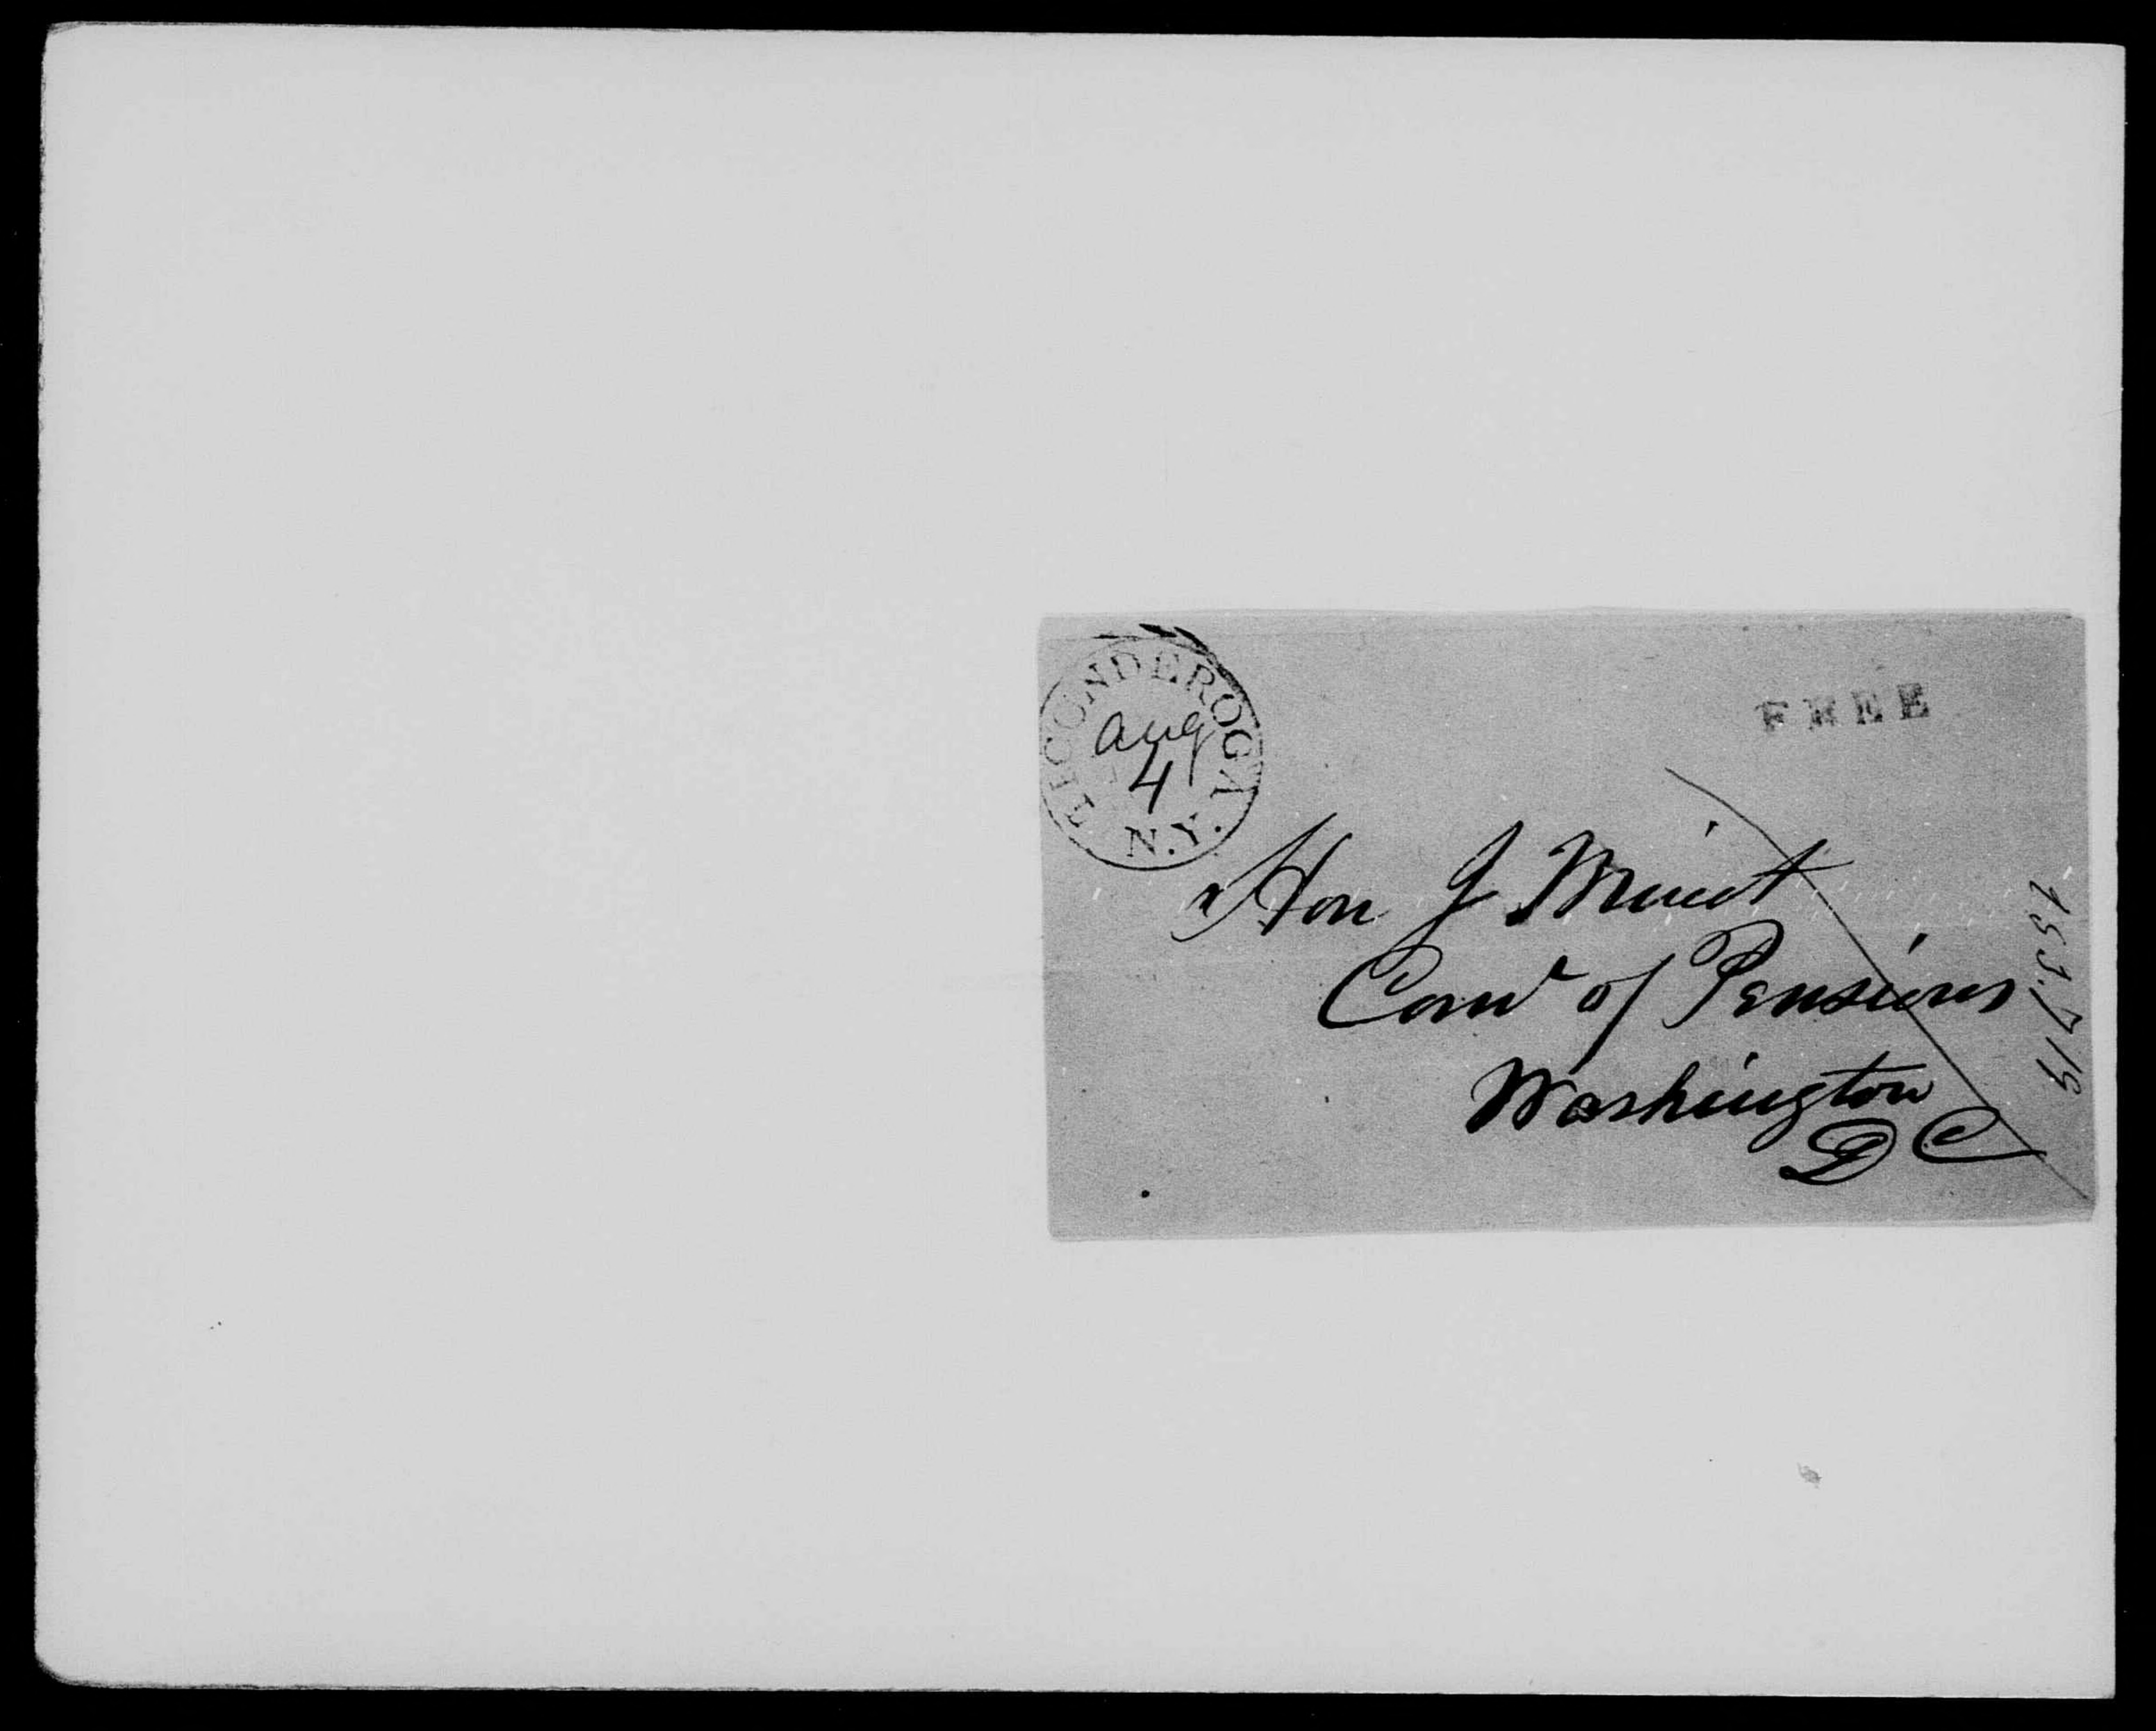[stamp mark "TICONDEROGA N.Y.", handwritten "Aug 4" inside]

FREE

Hon. J [illegible]
Court of Pensions
Washington DC

153.719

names: J Minot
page: 27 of 72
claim: widow's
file: W. 7771, Stephen Holmes, Vt.